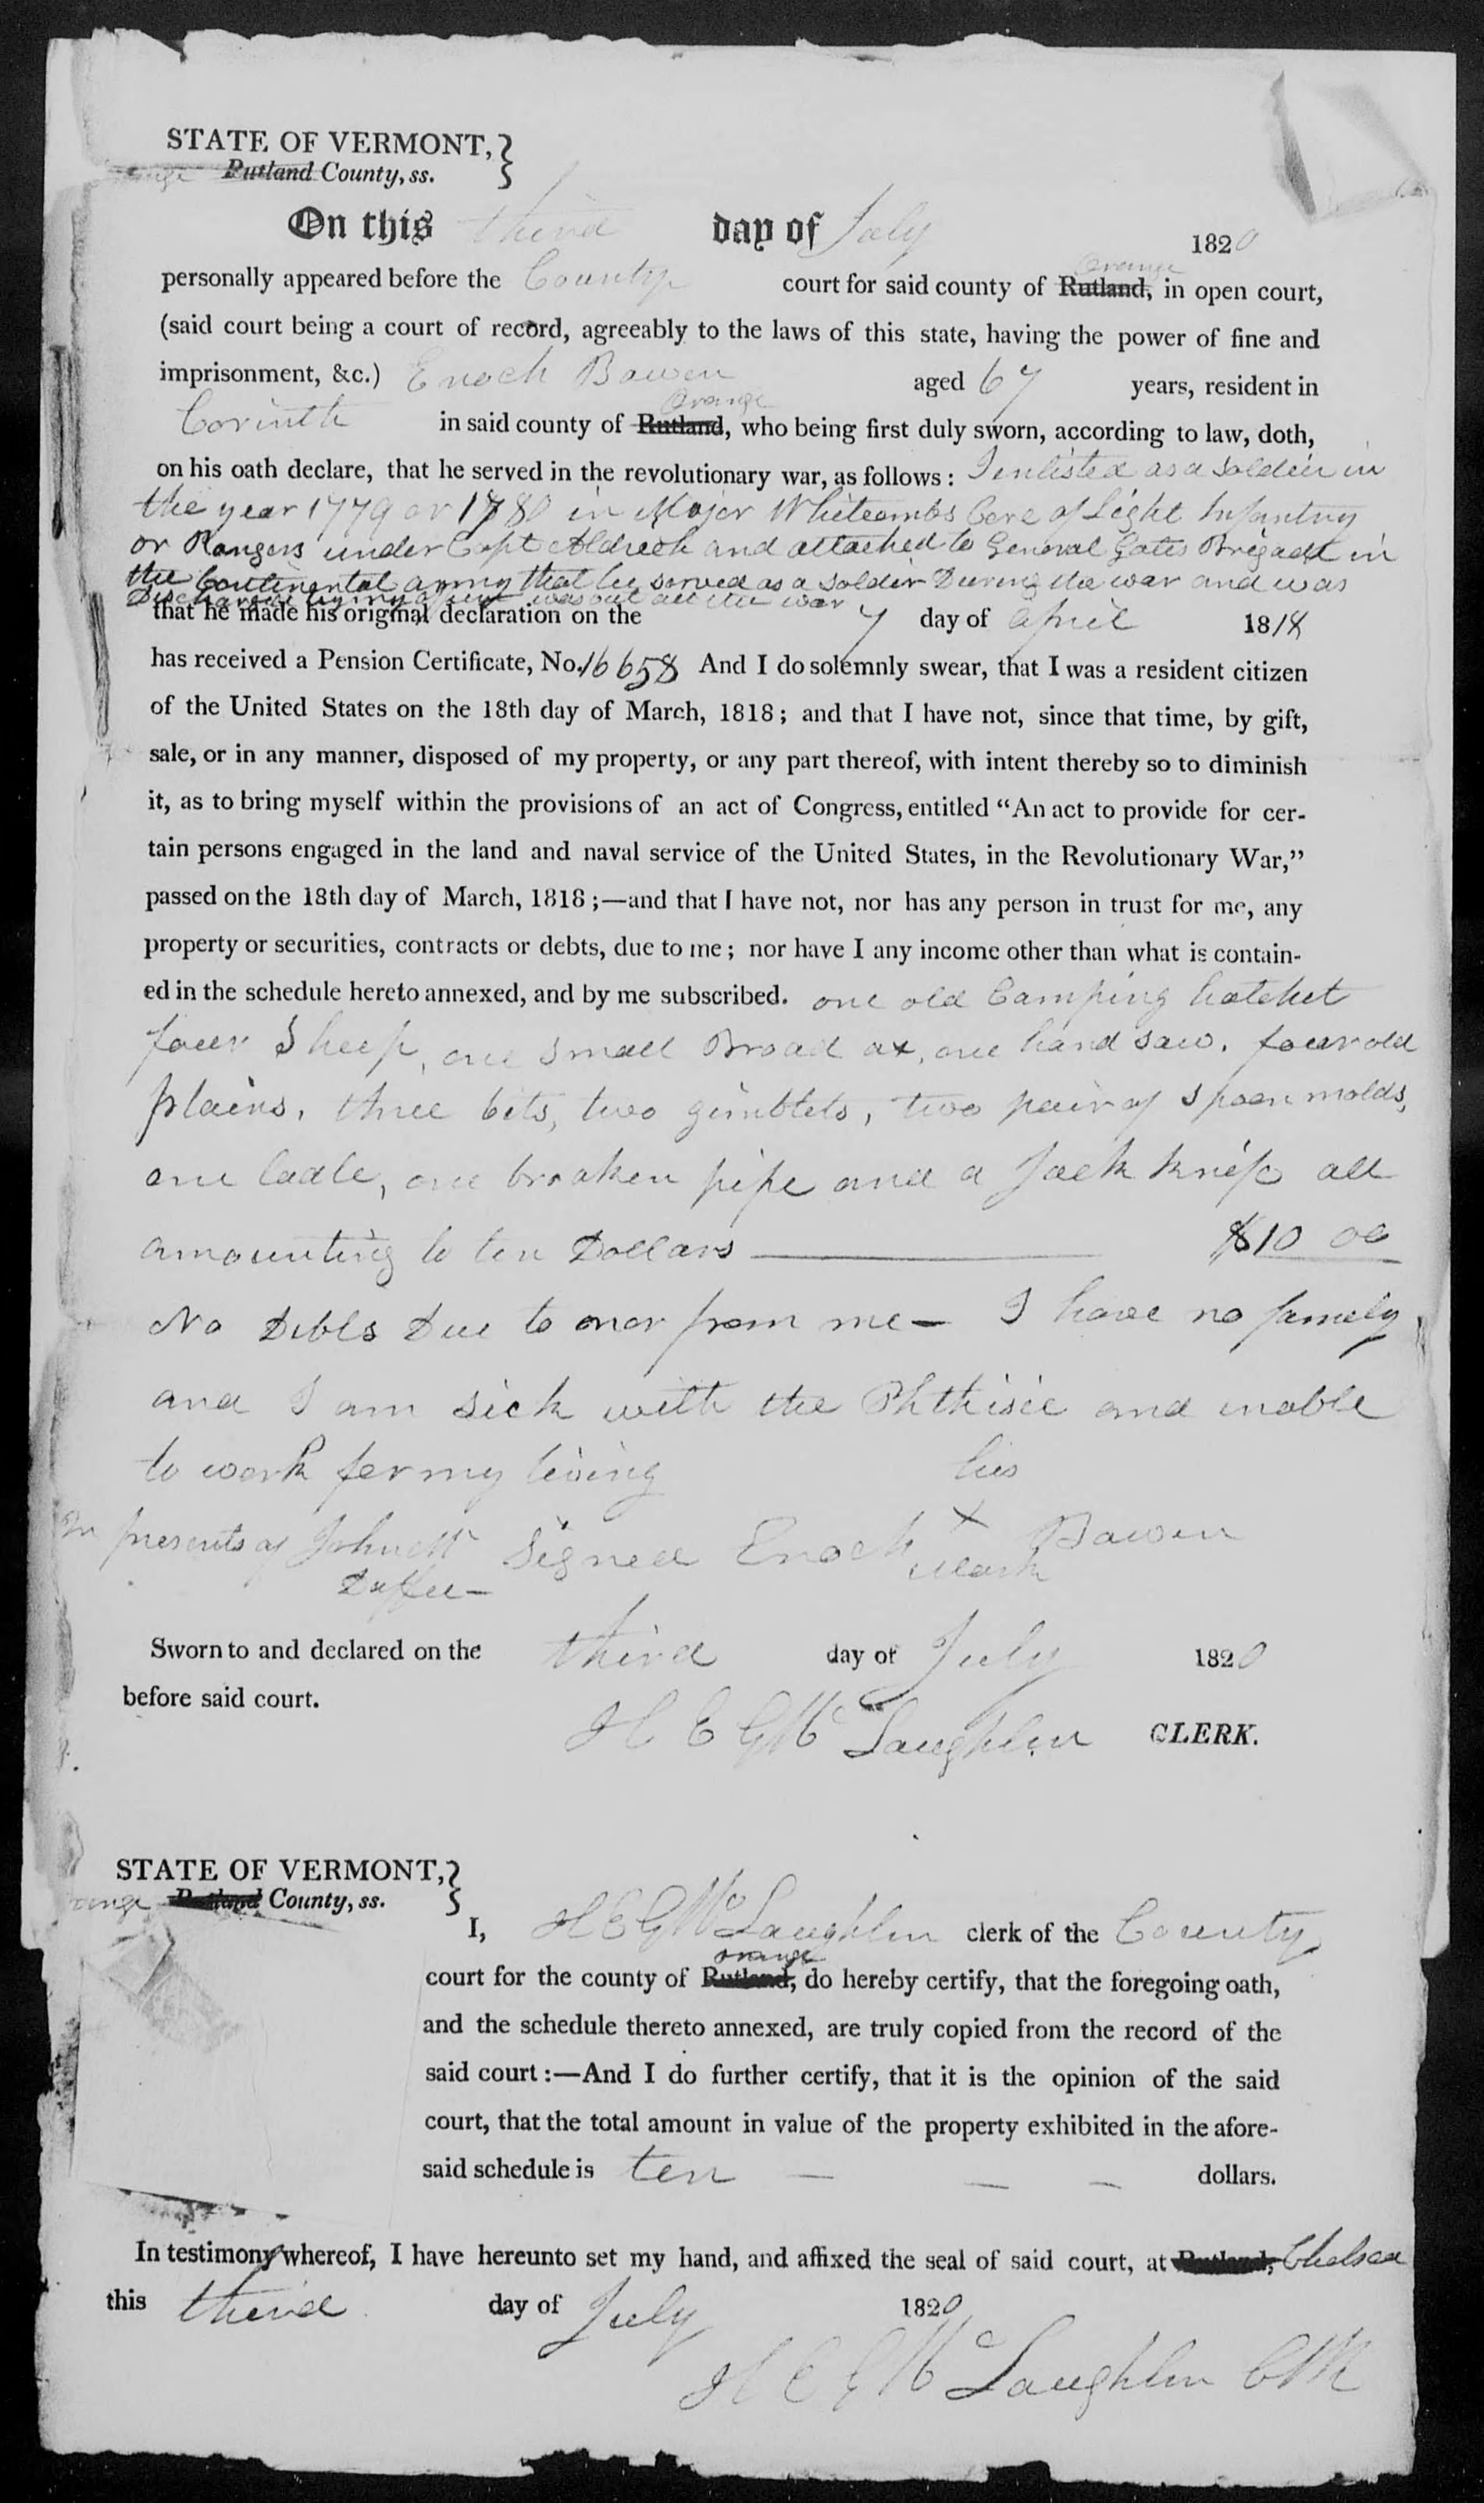STATE OF VERMONT
Rutland County, ss.
On this third day of July 1820
personally appeared before the County
court for said county of Rutland, in open court,
said court being a court of record, agreeably to the laws of this state, having the power of fine and
imprisonment, &c. ) Enoch Bowen aged 67
years, resident in Corinth
in said county of Orange, who being first duly sworn, according to law, doth,
on his oath declare, that he served in the revolutionary war, as follows: I enlisted as a soldier in
the year 1779 or 1780 in Major Whitcombs Core of Light Infantry
or Rangers under Capt Aldrich and attached to General Gates Brigade in
the Continental army that he served as a solder During the war and was discharged [illegible] was out all the war
----
that he made his original declaration on the 7 day of April
1818
has received a Pension Certificate, No 16658 And I do solemnly swear, that I was a resident citizen
of the United States on the 18th day of March, 1818; and that I have not, since that time, by gift,
sale, or in any manner, disposed of my property, or any part thereof, with intent thereby so to diminish
it, as to bring myself within the provisions of an act of Congress, entitled "An act to provide for certain
persons engaged in the land and naval service of the United States, in the Revolutionary War,"
passed on the 18th day of March, 1818; and that I have not, nor has any person in trust for me, any
property or securities, contracts or debts, due to me; nor have I any income other than what is contained
in the schedule hereto annexed, and by me subscribed. one old Camping hatchet
four Sheep, one small broad ax, one hand saw, four old
plains, three bits, two gimblets, two pair of Spoonmolds
one ladle, one broken pipe and a jack knife all
amounting to ten Dollars $10 00
No Debts due to one from me-- I have no family
and I am sick with the Phthisec and unable
to work for my living
 
in presents [presence] of John M Duffer Signed [signature] Enoch his x mark Bowen
 
Sworn to and declared on the
third day of July 1820
before said court.
[signature] H E G McLaughlin CLERK.

STATE OF VERMONT,
Orange County, ss.
I, H E G McLaughlin clerk of the County
court for the county of Orange do hereby certify, that the foregoing oath,
and the schedule thereto annexed, are truly copied from the record of the
said court:--And I do further certify, that it is the opinion of the said
court, that the total amount in value of the property exhibited in the aforesaid
schedule is ten dollars.

In testimony whereof, I have hereunto set my hand, and affixed the seal of said court, at Chelsea
this third day of July 1820  
[signature] H E G McLaughlin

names: H E G Mc Laughlin, Enoch Bowen, H E G Mc Laughlin, Enoch Bowen, Aldrech, H E G Mc Laughlin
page: 6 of 11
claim: survivor's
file: S. 41,453, Enoch Bowen, N.H.